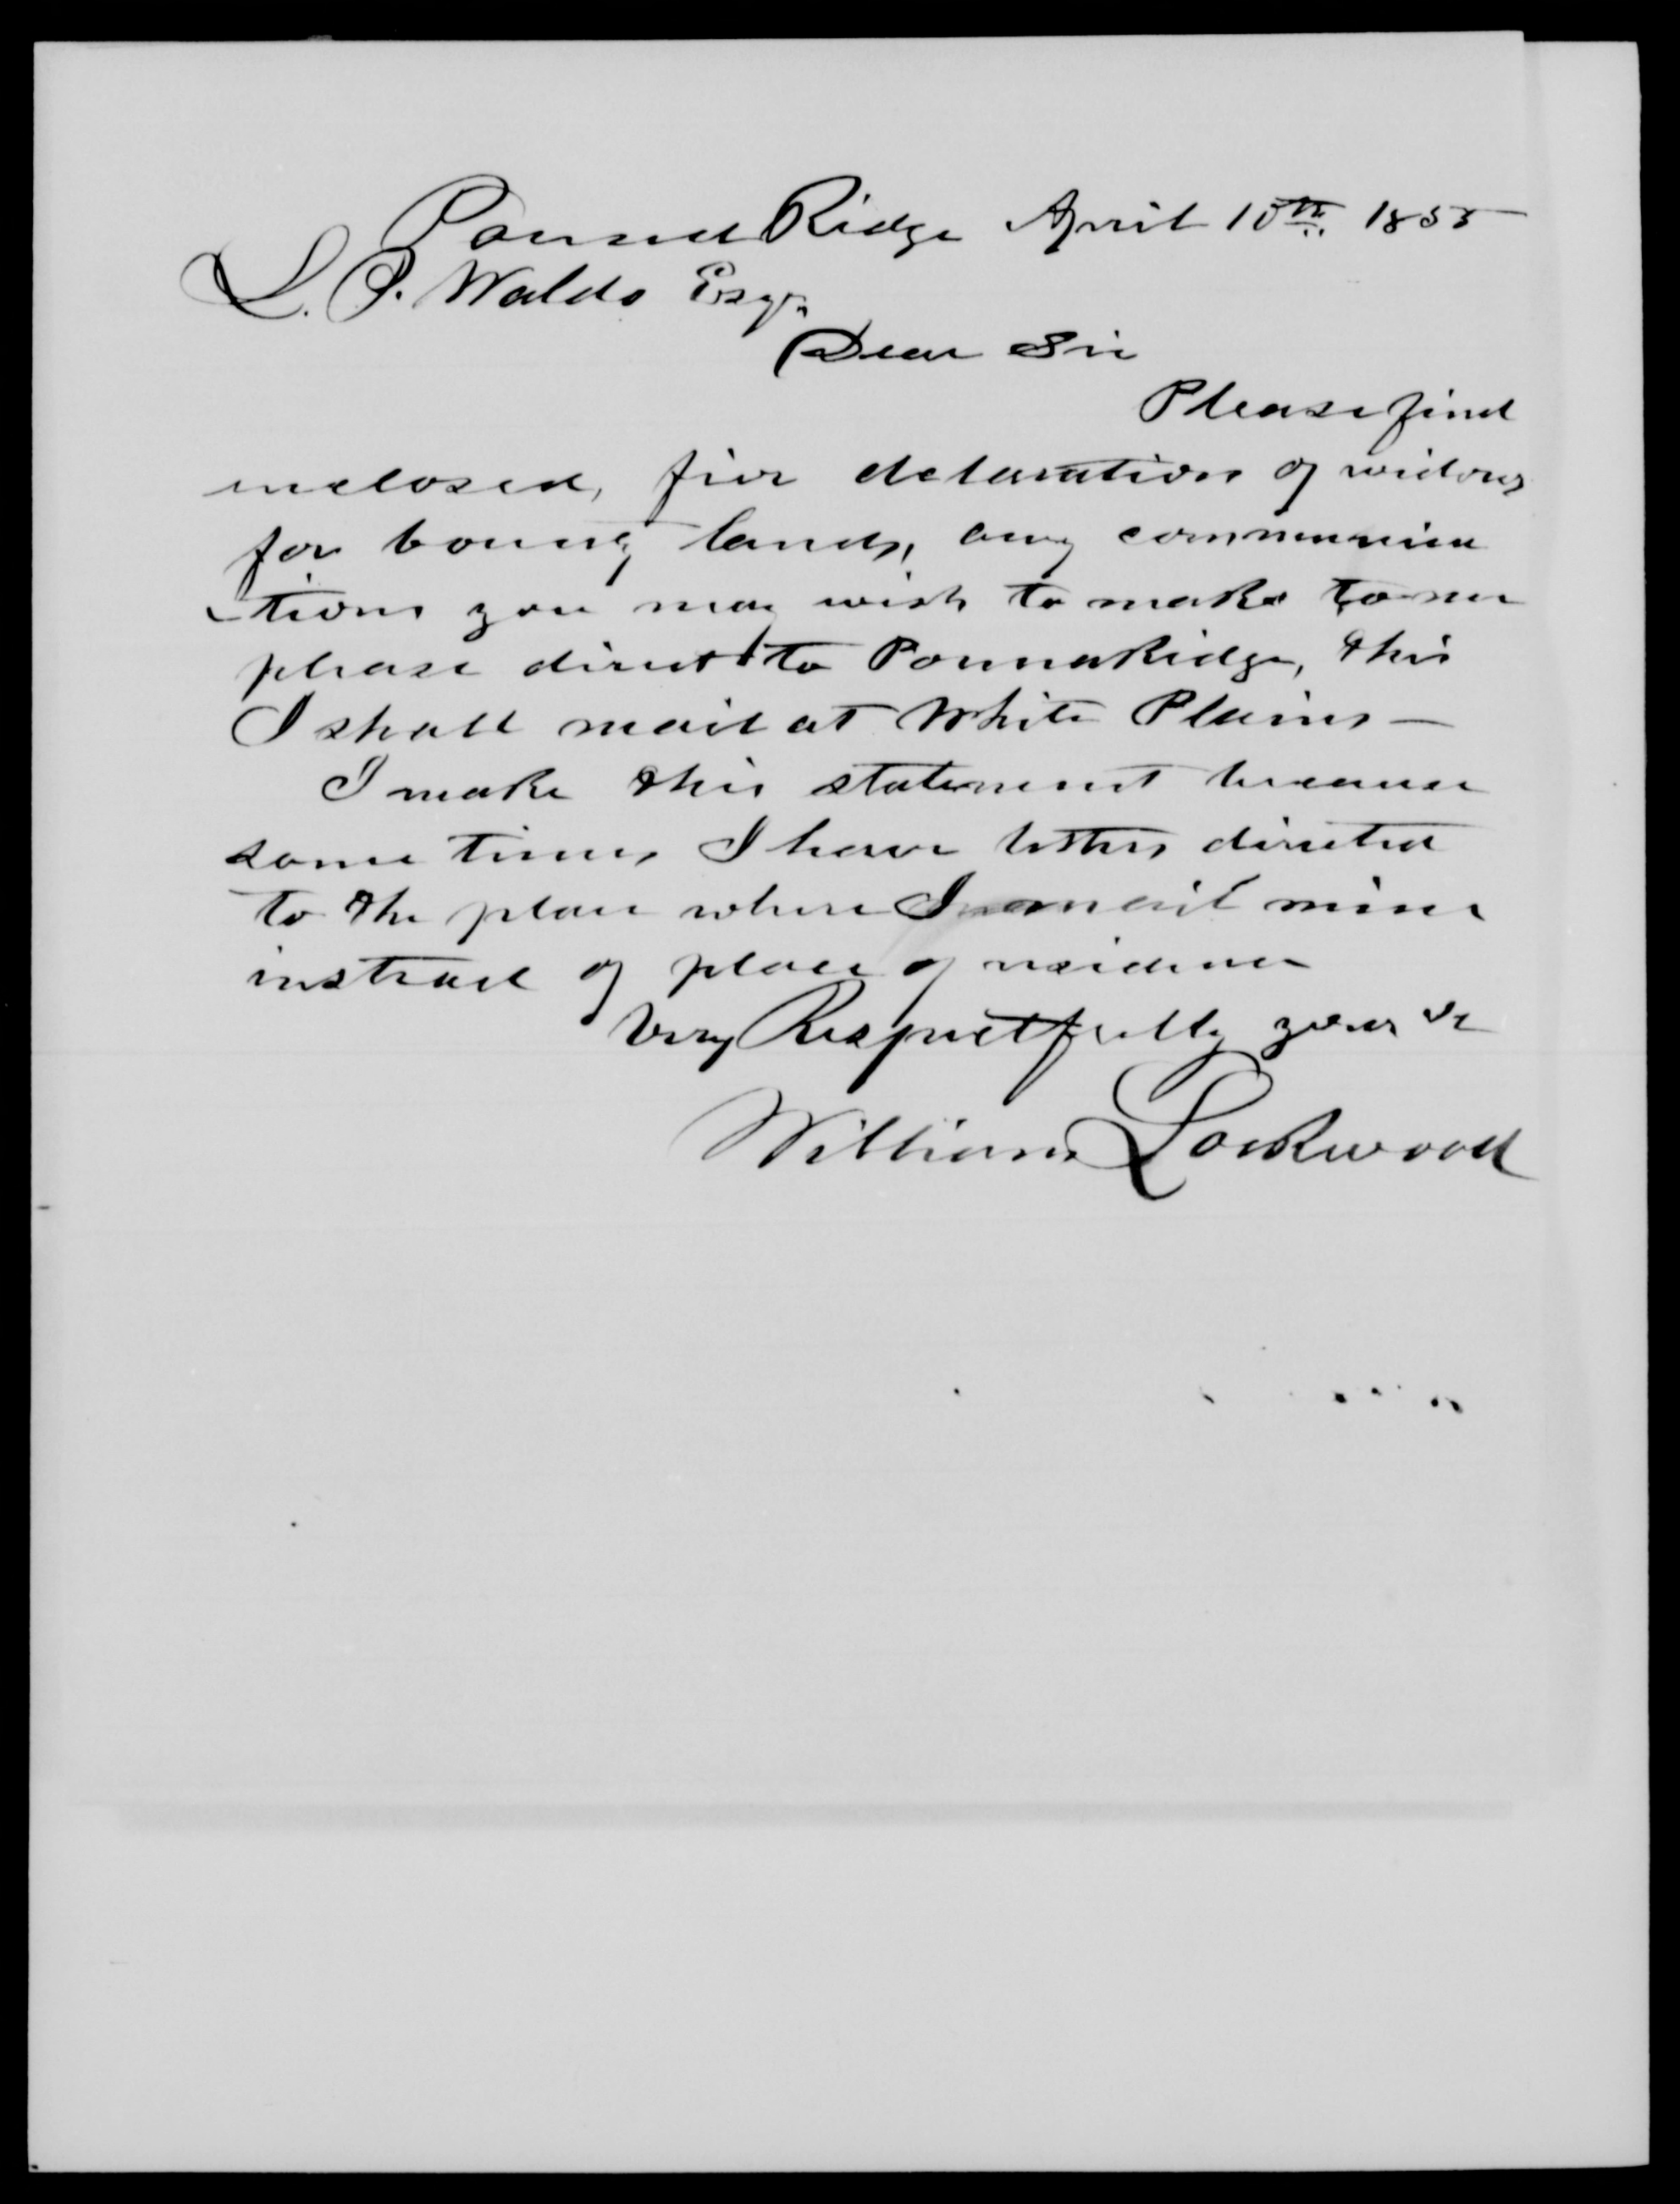Pound Ridge April 10th 1855 
L. P. Waldo Esq 
Dear Sir 
Please find enclosed, five declarations of widows for bounty lands, any communication you may wish to make to please direct to Poundridge, this I shall mail at White Plains.  
I make this statement because some time, I have letters directed to the place where mailed mine instead of place of residence 
Very Respectfully yours 
William Lockwood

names: L P Waldo; William Lockwood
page: 78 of 87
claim: widow's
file: W. 22,226, for Nathan Slawson, Connecticut